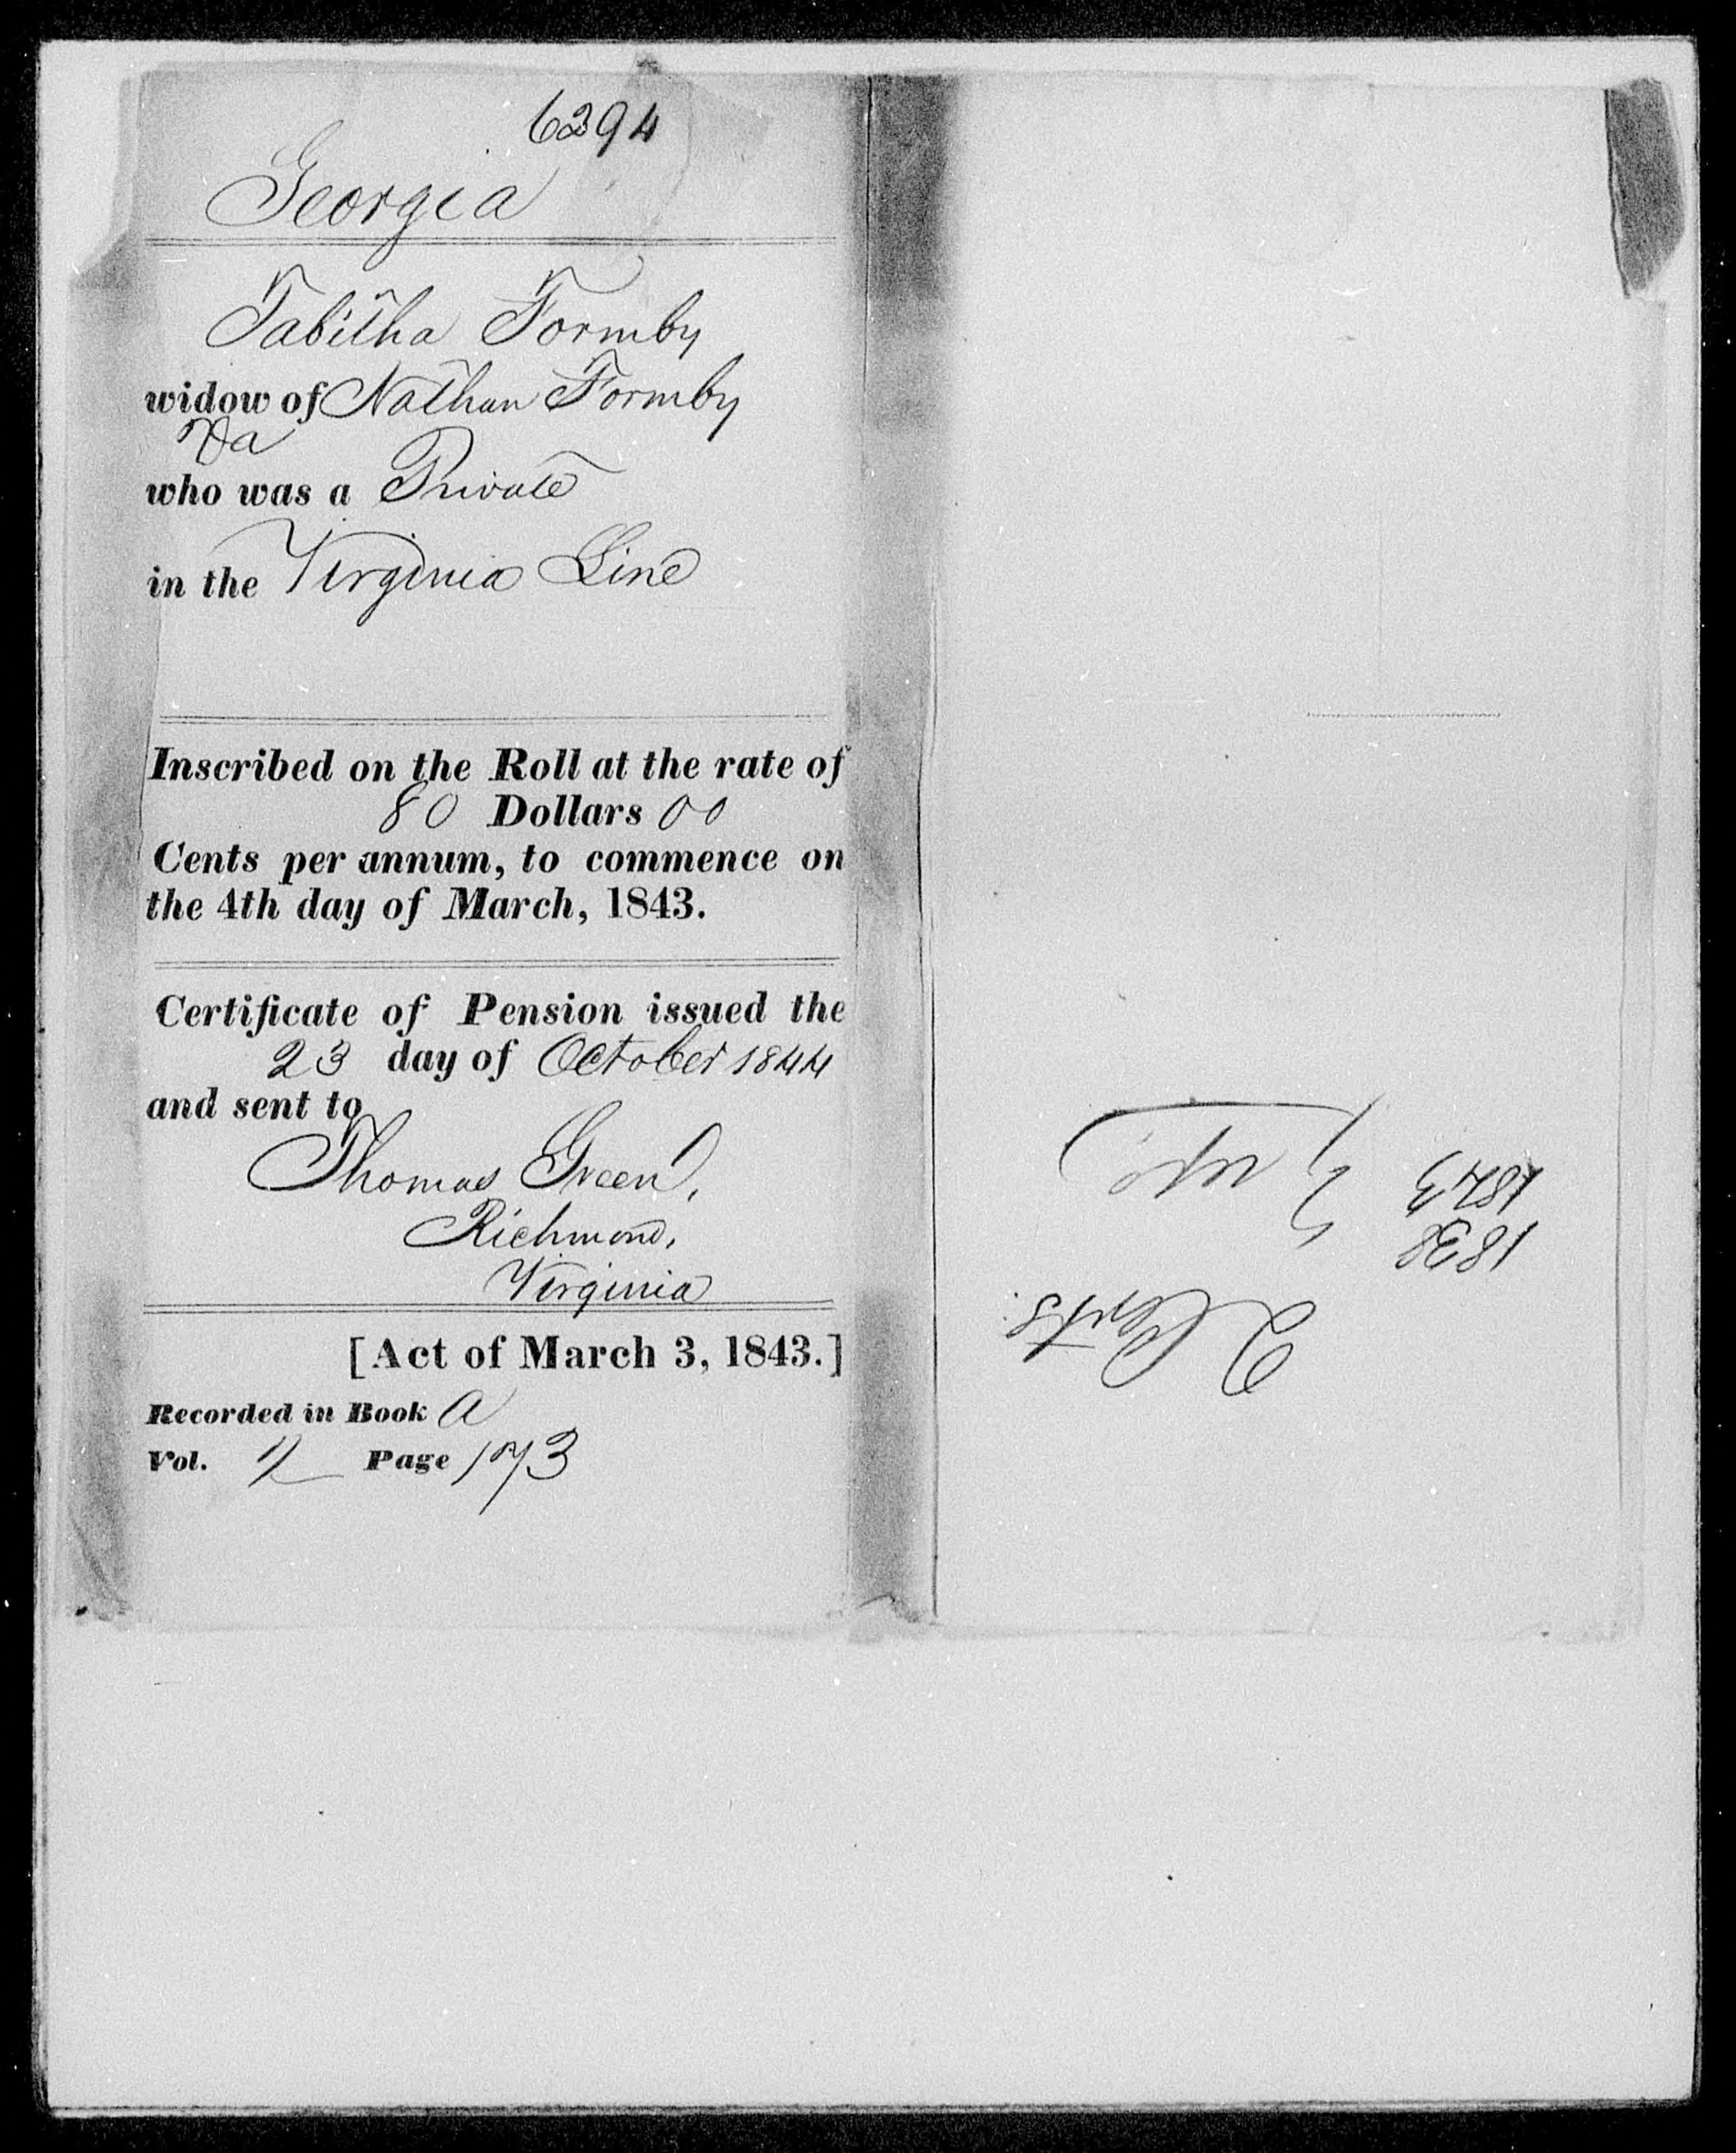[Page 1]
6394
Georgia
Tabitha Formby widow of Nathan Formby Va who was a Private in the Virginia Line

Inscribed on the Roll at the rate of 80 Dollars 00 Cents per annum, to commence on the 4th day of March, 1843.

Certificate of Pension issued the 23 day of October 1844 and sent to Thomas Green, Richmond, Virginia

[Act of March 3, 1843.]
Recorded in Book A Vol. 2 Page 173

[Page 2]
2 Certs.
1838 }
1843 } up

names: Nathan Formby, Thomas Green, Tabitha Formby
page: 19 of 54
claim: widow's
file: W. 3794, Nathan Formby, Va.